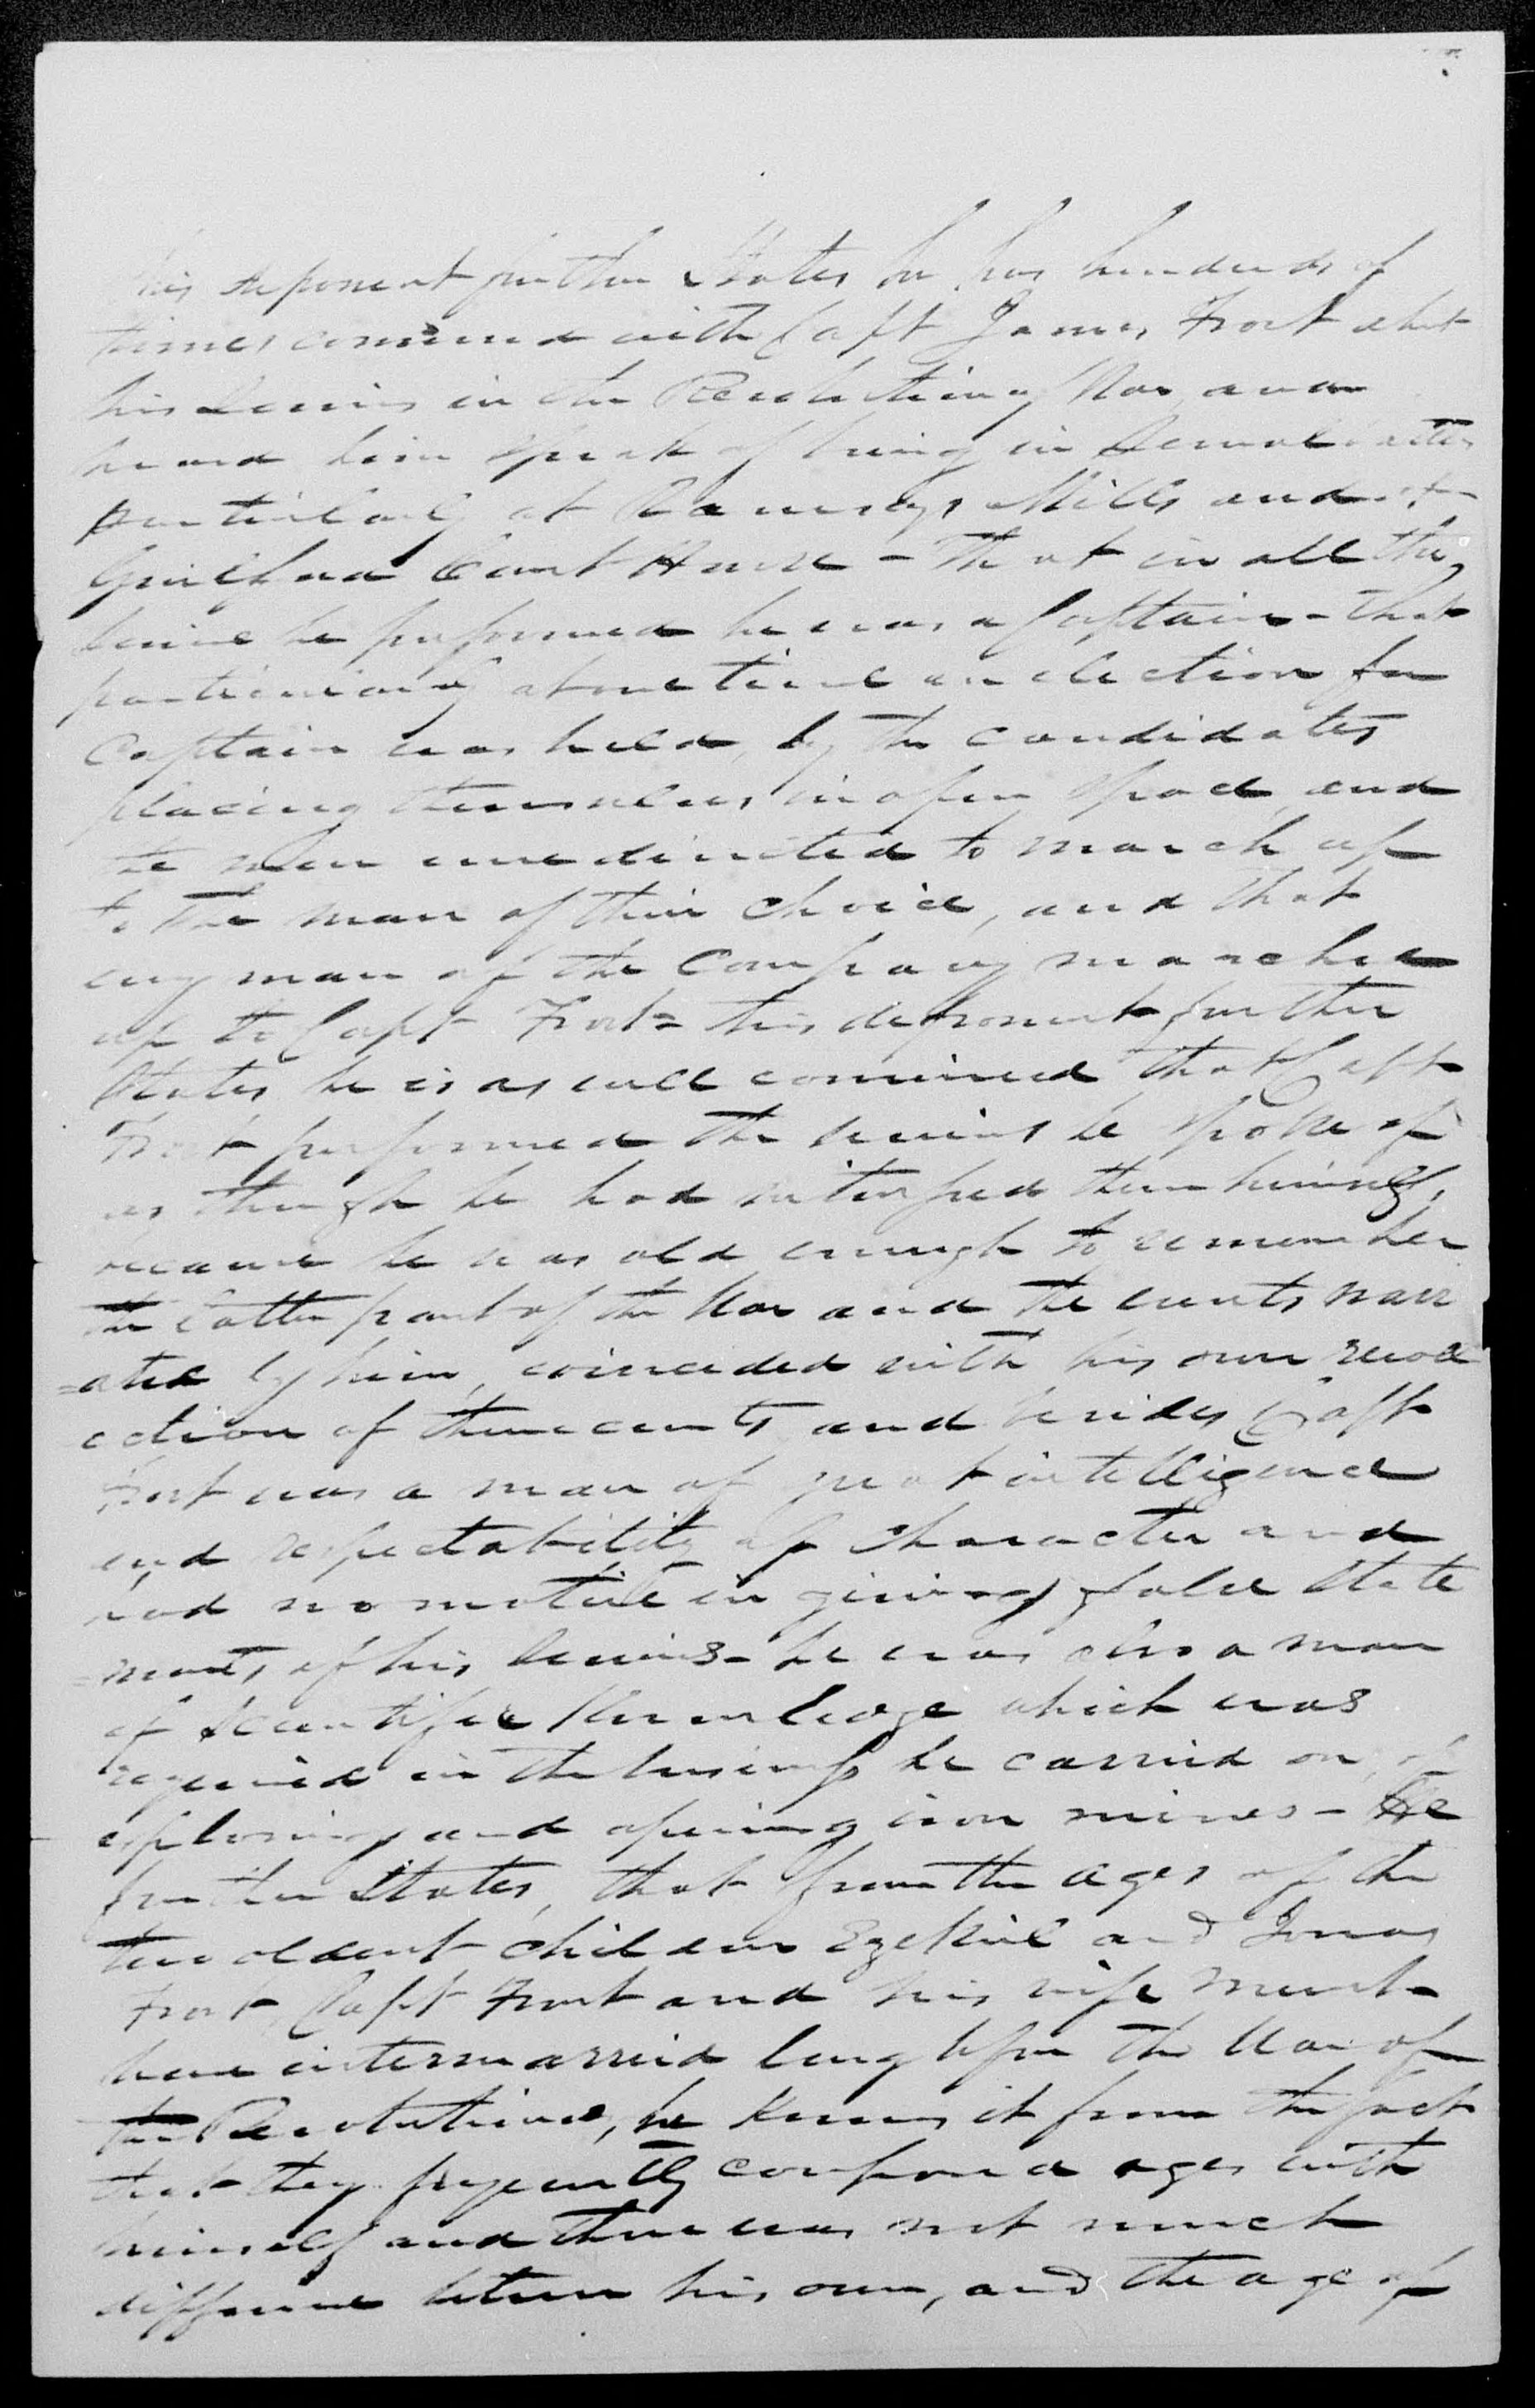This deponent further states he has hundreds of times communed with Captain James Frost about his services in the Revolutionary War and heard him speak of being in several battles particularly at Ramsours Mills and of Guilford Court House – that in all the service he performed he was a Captain – that particularly [unreadable] an election for Captain was held by the candidates placing themselves in open space and the men were directed to march up to the man of their choice, and that every man of the Company marched up to Captain Frost – this deponent further states he is as well convinced that Captain Frost performed the service he spoke of as though he had satisfied them himself because he was old enough to remember the latter part of the War and the events narrated by him coincided with his own recollection of the events and verify Captain Frost was a man of great intelligence and respectability of character and had no motive in giving false statement of his service – he was also a man of scientific knowledge which was required in the business he carried on exploring and opening iron mines – He further states that from the ages of the two oldest children Ezekiel and Jonas Frost, Captain Frost and his wife must have intermarried long before the War of the Revolution, he knows it from the fact that they frequently compared ages with himself and there was not much difference between his own and the age of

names: Jonas Frost, Frost, Frost, Frost, James Frost, Ezekiel Frost, Frost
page: 6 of 15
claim: rejected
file: R. 3815, James Frost, N.C.